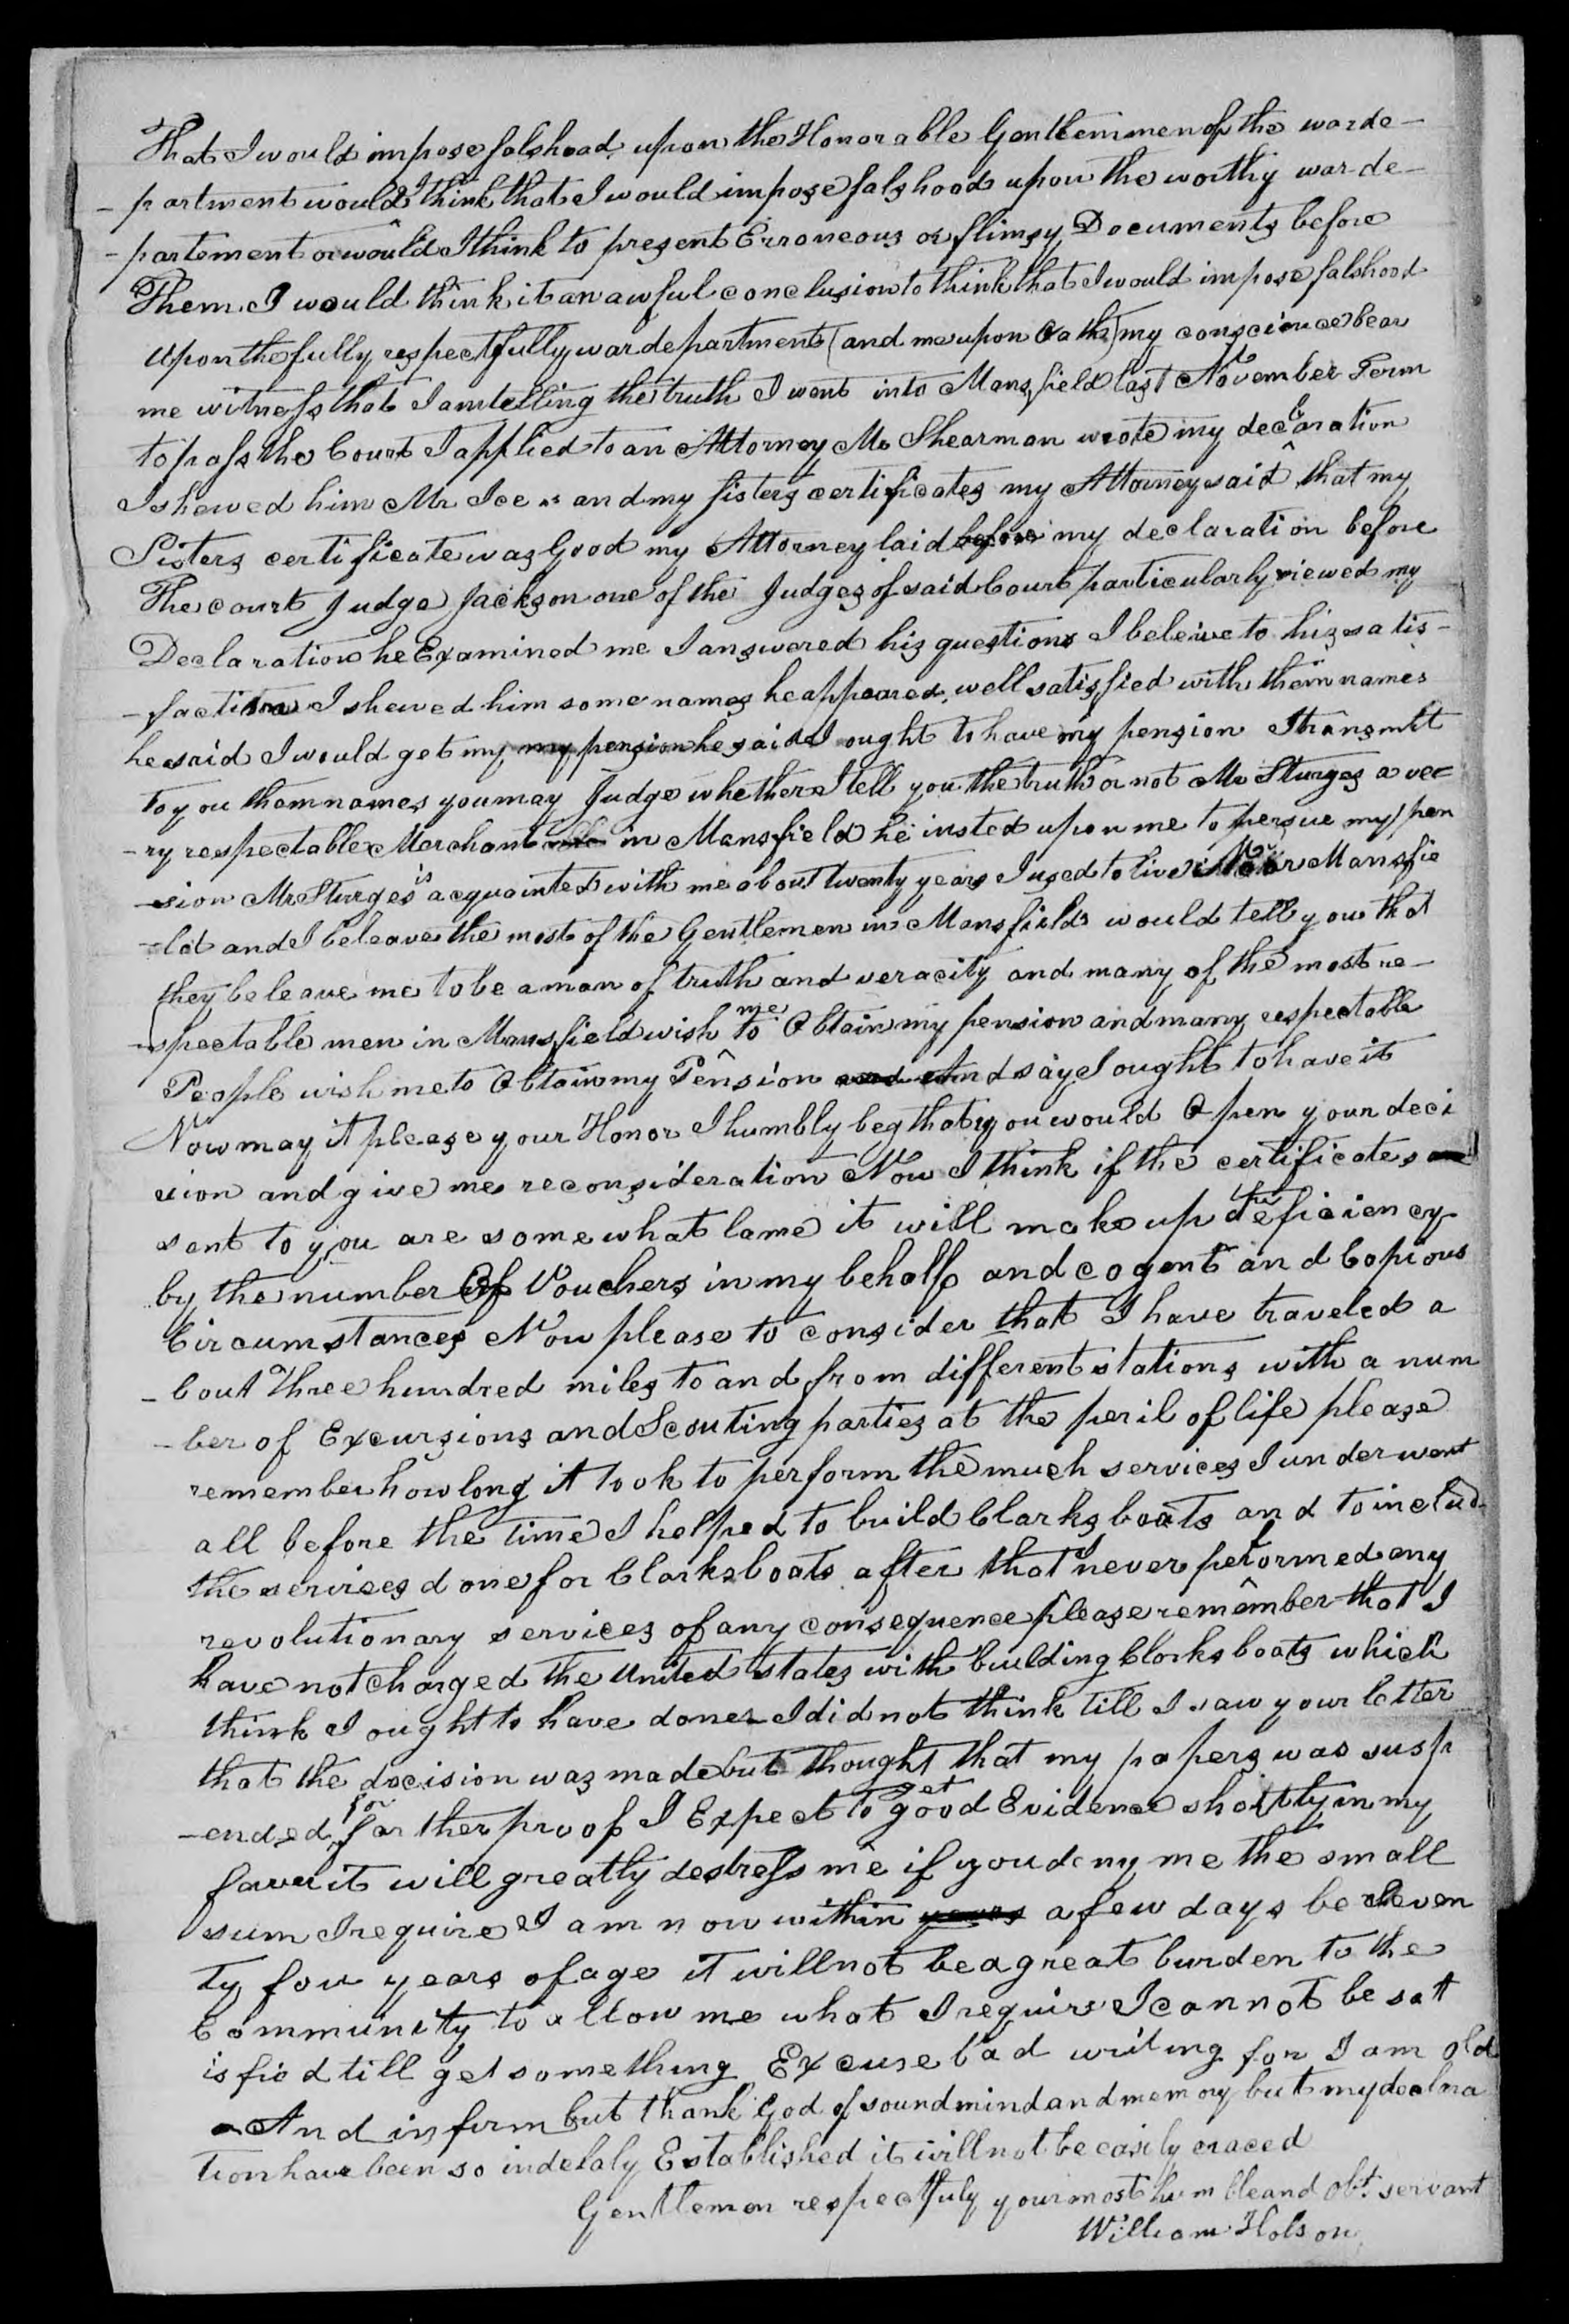That I would impose falsehood upon the Honorable Gentlemen of the war department would I think that I would impose falsehoods upon the worthy war department or would I think to present Erroneous or flimsy Documents before Them I would think it an awful conclusion to think that I would impose falsehood upon the fully respectfully war department (and me upon Oath) my conscience bear me witness that I am telling the truth I went into Mansfield last November Term to press the Court I applied to an Attorney Mr Shearman wrote my declaration I showed him Mr Ice's and my sisters certificates my Attorney said that my Sisters certificate is as Good my Attorney laid before my declaration before The court Judge Jackson one of the Judges of said Court particularly viewed my Declaration he Examined me I answered his questions I believe to his satisfaction I showed him some names he appeared well satisfied with their names he said I would get my my pension he said I ought to have my pension Transmit to you them names you may Judge whether I tell you the truth or not Mr Sturges a very respectable Merchant in Mansfield he insted upon me to persue my pension Mr Sturgess' acquainted with me about twenty years I used to live in Monongalia and believe the most of the Gentlemen in Mansfield would tell you that they believe me to be a man of truth and veracity and many of the most respectable men in Mansfield wish me to Obtain my pension and many respectable People wish me to Obtain my pension Sir I said ough tto have it
Now may it please your Honor I humbly bet that you would open your decision and give me reconsideration Now I think if the certificates sent to you are somewhat lame it will make up the decision of by the number of Vouchers in my behalf and cogent and Copious Circumstances Now please to consider that I have traveled about Three hundred miles to and from different stations with a number of Excursions and Scouting parties at the peril of life please remember how long it took to perform the much services I underwent all before the time I helped to build Clarks boats and to include the services done for Clarks boats after that never performed any revolutionary services of any consequence please remember that I have not charged the United States with building Clarks boats which think I ought to have done I did not think till I saw your letter that the decision was made but Thought that my papers was suspended for the proof I expect to get good Evidence shortly in my favor it will greatly distress me if you deny me the small sum I require I am now within a few days be Seventy four years of age it will not be a great burden to the Community to allow me what I require I cannot be satisfied till get something Excuse bad writing for I am old And infirm but thank God of sound mind and memory but my declaration have been so indelaly Established it will not be case by eraced
Gentlemen respectfully your most humble and obt. servant
William Holson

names: William Holson, Shearman, Ice, Jackson, Sturges, Sturges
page: 16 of 33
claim: survivor's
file: S. 9587, William Holson, Va.